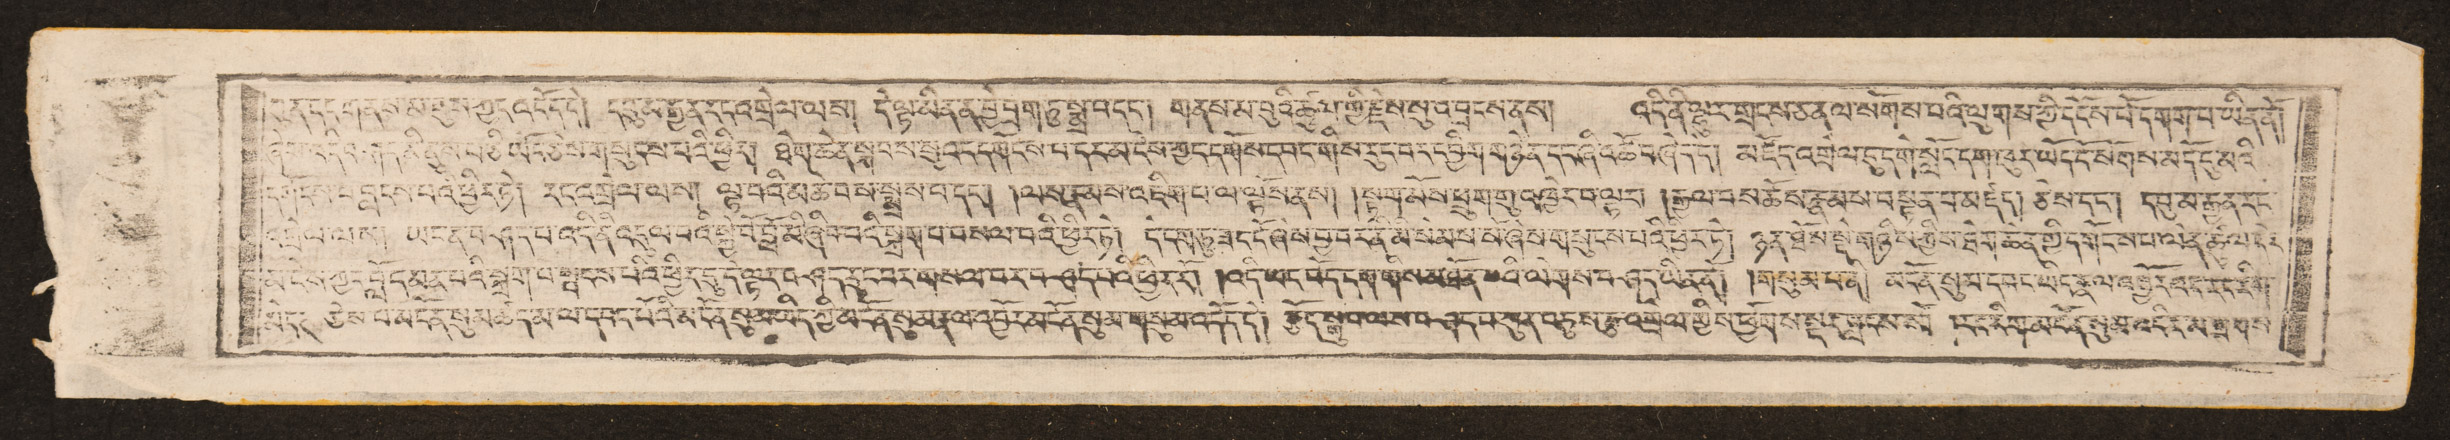ཀུན་དང་གནས་མ་བུས་ཀྱང་འདོད་དེ། དབུ་མ་རྒྱན་རང་འགྲེལ་ལས། དེ་ལྟ་མིན་ན་བྱེ་བྲག་ཏུ་སྨྲ་བ་དང་། གནས་མ་བུའི་ཚུལ་གྱི་རྗེས་སུ་འབྲངས་ནས། འདི་ནི་ལྷུར་གྲངས་ཅན་ལ་སོགས་པའི་ལུགས་ཀྱི་དངོས་པོ་དགག་པ་ཡིན་ནོ།
ཞེས་འདི་བཤད་མི་ནུས་པ་ཅི་ཡོད་ཅེས་གསུངས་པའི་ཕྱིར། ཐེག་ཆེན་སྐབས་སུའང་དགོངས་པ་དེར་མ་ངེས་ཀྱང་དགོས་དབང་གིས་རུང་བར་དབྱིག་གཉེན་དང་ཞི་འཚོ་བཞེད་དེ། མཛོད་འགྲེལ་དུ་དགེ་སློང་དག་ཁུར་ཡོད་དོ་སོགས་མདོ་དུ་མའི་
དགོངས་པ་བླངས་པའི་ཕྱིར་ཏེ། རང་འགྲེལ་ལས། ལྟ་བའི་མཆེ་བས་སྨྲས་པ་དང་། །ལས་རྣམས་འཇིག་པ་ལ་ལྟོས་ནས། །སྟག་མོས་ཕྲུག་གུ་འཁྱེར་བ་ལྟར། །རྒྱལ་བས་ཆོས་རྣམས་བསྟན་པ་མཛད། ཅེས་དང་། དབུ་མ་རྒྱན་རང་
འགྲེལ་ལས། ཡང་ན་བཤད་པ་འདི་ནི་འདུལ་བའི་སྐྱེ་བོ་བློ་མི་ཞིབ་པའི་སྐྲག་པ་བསལ་བའི་ཕྱིར་ཏེ། དེ་དག་ཏུ་ཟད་དོ་ཞེས་བྱ་བར་ནི་མི་སེམས་སོ་ཞེས་གསུངས་པའི་ཕྱིར་ཏེ། ཉན་ཐོས་སྡེ་གཉིས་ཀྱིས་ཐེག་ཆེན་གྱི་དགོངས་པ་ལེན་ཚུལ་དེར་
མ་ངེས་ཀྱང་བློ་དམན་པའི་སྐྲག་པ་སྤངས་པའི་ཕྱིར་དུ་དེ་ལྟར་བཤད་རུང་བར་གསལ་བར་བཤད་པའི་ཕྱིར་རོ། །འདི་ཡང་བོད་དག་གིས་མཐོན་པའི་ལེགས་བཤད་ཡིན་ནོ། །གསུམ་པ་ནི། མངོན་སུམ་དབང་ཡིད་རྣལ་འབྱོརཱང་རང་རིག་
མེད༑ ཅེས་པ་མངོན་སུམ་ཚད་མ་ལ་དབང་པོའི་མངོན་སུམ་ཡིད་ཀྱི་མངོན་སུམ་རྣལ་འབྱོར་མངོན་སུམ་གསུམ་འདོད་དེ། རྩོད་སྒྲུབ་ལས་བཤད་པ་ཀུན་བཏུས་རྩ་འགྲེལ་གྱིས་ཕྱོགས་སྔར་བླངས་སོ། །རང་རིག་མངོན་སུམ་འདིར་མ་གྲགས་